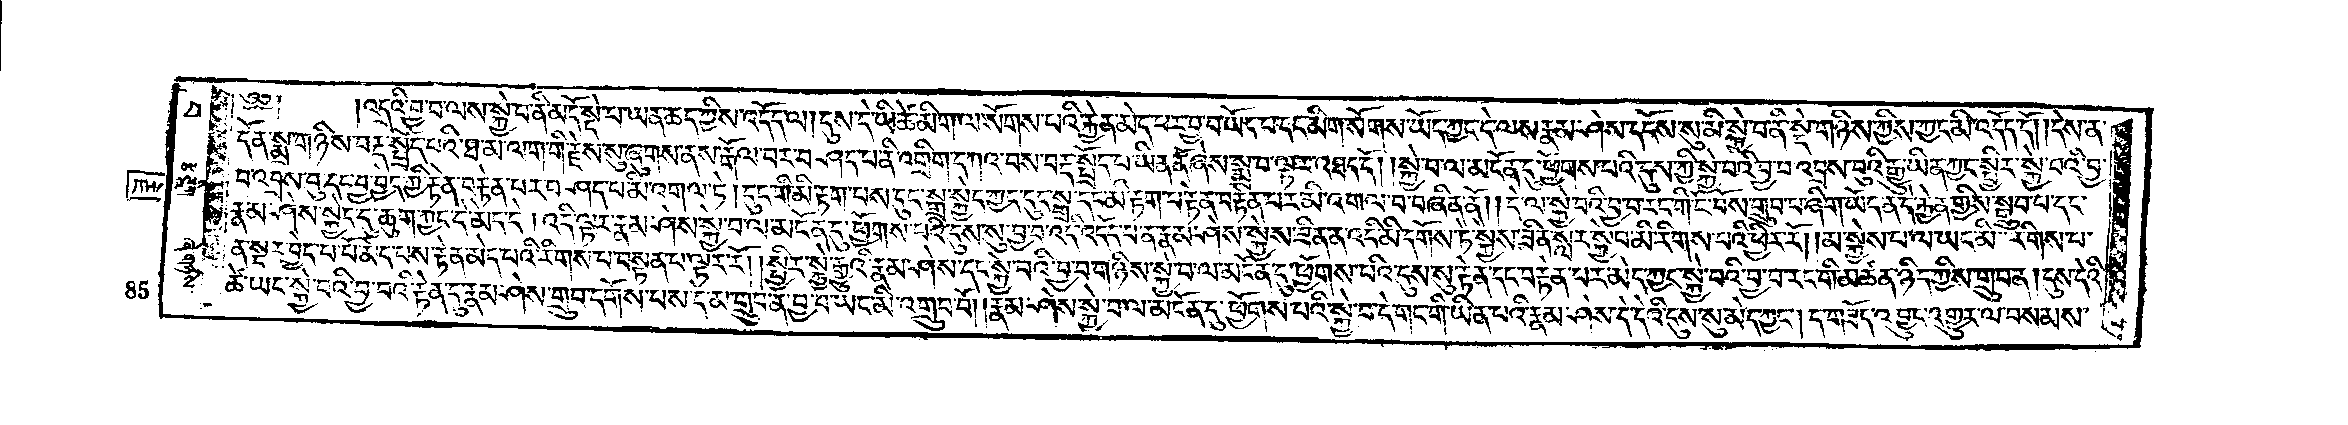༄༅། །འདྲའི་བྱ་བ་ལས་སྐྱེ་བ་ནི་མདོ་སྡེ་བ་ཡན་ཆད་ཀྱིས་འདོད་ལ། དུས་དེ་ཡི་ཚེ་མིག་ལ་སོགས་པའི་རྐྱེན་མེད་པར་བྱ་བ་ཡོད་པ་དང་མིག་སོགས་ཡོད་ཀྱང་དེ་ལས་རྣམ་ཤེས་དངོས་སུ་མི་སྐྱེ་བ་ནི་སྡེ་གཉིས་ཀྱིས་ཀྱང་མི་འདོད་དོ། །དེས་ན་
དོན་སྨྲ་གཉིས་བརྡ་སྤྲོད་པའི་ཐ་མ་ལག་གི་རྗེས་སུ་ཞུགས་ནས་རྒོལ་བར་བཤད་པ་ནི་འགྲིག་དཀའ་བས་བརྡ་སྤྲོད་པ་ཡིན་ནོ་ཞེས་སྨྲ་བ་ལྟར་འཐད་དོ། །སྐྱེ་བ་ལ་མངོན་དུ་ཕྱོགས་པའི་དུས་ཀྱི་སྐྱེ་བའི་བྱ་བ་འབྲས་བུའི་རྒྱུ་ཡིན་ཀྱང་སྤྱིར་སྐྱེ་བའི་བྱ་
བ་འབྲས་བུ་དང་བྱ་བྱེད་ཀྱི་རྟེན་བརྟེན་པར་བཤད་པ་མི་འགལ་ཏེ། དུང་གི་མི་རྟག་པས་དུང་སྒྲ་སྐྱེས་ཀྱང་དུང་སྒྲ་དང་མི་རྟག་པ་རྟེན་བརྟེན་པར་མི་འགལ་བ་བཞིན་ནོ། །དེ་ལ་སྐྱེ་བའི་བྱ་བ་རང་གི་ངོ་བོས་གྲུབ་པ་ཞིག་ཡོད་ན་དེ་རྐྱེན་གྱིས་སྒྲུབ་པ་དང་
རྣམ་ཤེས་སྐྱེད་དུ་ཆུག་ཀྱང་དེ་མེད་དེ། འདི་ལྟར་རྣམ་ཤེས་སྐྱེ་བ་ལ་མངོན་དུ་ཕྱོགས་པའི་དུས་སུ་བྱ་བ་འདི་འདོད་པ་ན་རྣམས་ཤེས་སྐྱེས་ཟིན་ན་འདི་མི་དགོས་ཏེ་སྐྱེས་ཞིན་སླར་སྐྱེ་བ་མི་རིགས་པའི་ཕྱིར་རོ། །མ་སྐྱེས་པ་ལ་ཡང་མི་རིགས་པ་
ན་སྔར་བྱེད་པ་པོ་མེད་པས་རྟེན་མེད་པའི་རིགས་པ་བསྟན་པ་ལྟར་རོ། །སྤྱིར་སྐྱེ་རྒྱུའི་རྣམ་ཤེས་དང་སྐྱེ་བའི་བྱ་བ་གཉིས་སྐྱེ་བ་ལ་མངོན་དུ་ཕྱོགས་པའི་དུས་སུ་རྟེན་དང་བརྟེན་པར་མེད་ཀྱང་སྐྱེ་བའི་བྱ་བ་རང་གི་མཚན་ཉིད་ཀྱིས་གྲུབ་ན། དུས་དེའི་
ཚེ་ཡང་སྐྱེ་བའི་བྱ་བའི་རྟེན་དུ་རྣམ་ཤེས་གྲུབ་དགོས་པས་དེ་མ་གྲུབ་ན་བྱ་བ་ཡང་མི་འགྲུབ་བོ། །རྣམ་ཤེས་སྐྱེ་བ་ལ་མངོན་དུ་ཕྱོགས་པའི་སྐྱེ་བ་དེ་གང་གི་ཡིན་པའི་རྣམ་ཤེས་དེ་དེའི་དུས་སུ་མེད་ཀྱང་། ད་གཟོད་འབྱུང་འགྱུར་ལ་བསམས་